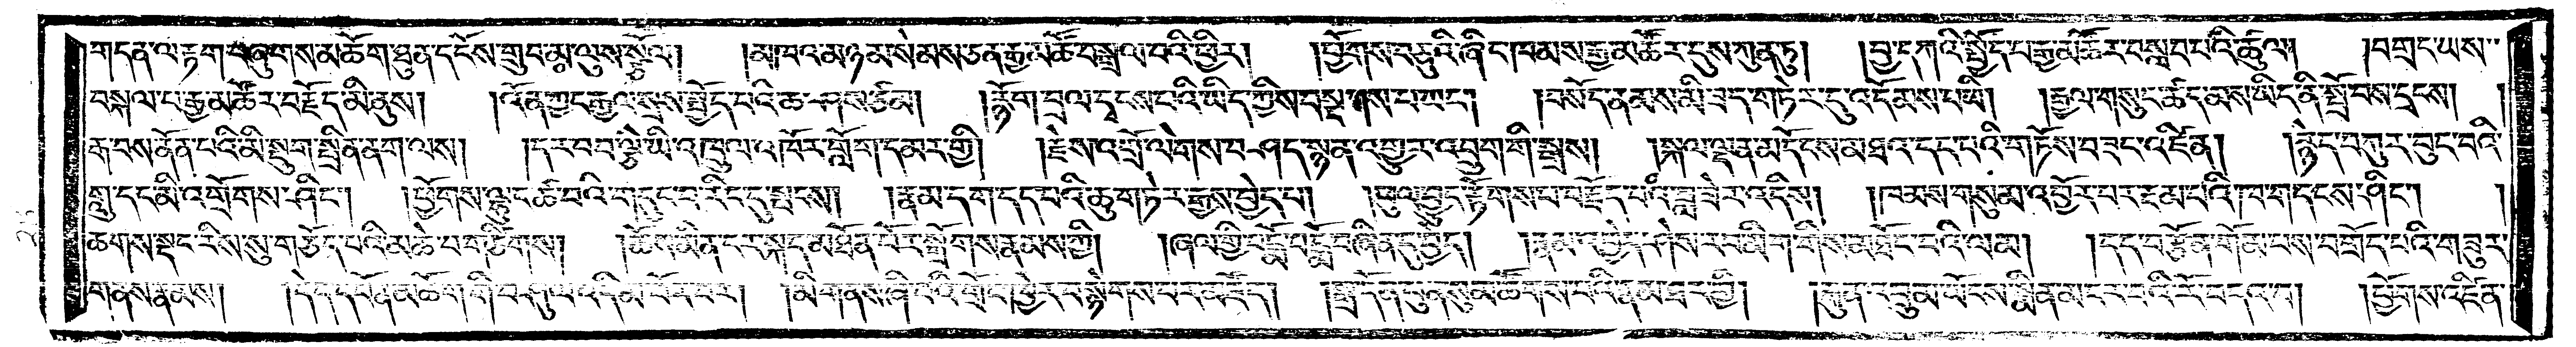གདན་ལ་རྟག་བཞུགས་མཚོག་ཐུན་དངོས་གྲུབ་མ྾་ལུས་སྩོལ། །མཁའ་མཉམ་སེམས་ཅན་རྒྱ་མཚོ་བསྒྲལ་བའི་ཕྱིར། །ཕྱོགས་བཅུའི་ཞིང་ཁམས་རྒྱ་མཚོར་དུས་ཀུན་ཏུ། །བྱ་དཀའི་སྤྱོད་པ་རྒྱ་མཚོར་བསླབ་པའི་ཚུལ། །བགྲང་ཡས་
བསྐལ་པ་རྒྱ་མཚོར་བརྗོད་མི་ནུས། །འོན་ཀྱང་རྒྱལ་སྲས་སྤྱོད་པའི་ཆ་ཤས་ཙམ། །རྙོག་བྲལ་དྭངས་པའི་ཡིད་ཀྱིས་བསྔགས་པ་ཡང་། །བསོད་ནམས་མི་ཟད་གཏེར་དུ་འདོམས་པ་ཡི། །རྒྱལ་གསུང་ཚད་མས་ཡིད་ནི་སྤྲོ་བས་དྲངས། །
རྒ་བས་ནོན་པའི་མི་སྡུག་སྤྲིན་ནག་ལས། །དར་བབ་ལྕེ་ཡི་འཁྲུལ་འཁོར་གློག་དམར་གྱི། །རྗེས་འགྲོ་ལེགས་བཤད་སྙན་འགྱུར་འབྲུག་གི་སྒྲས། །སྐལ་ལྡན་མདོངས་མཐའ་དང་པའི་གཏོས་བཟང་འཛིན། །རྙེད་བཀུར་བུང་བའི་
གླུ་དང་མི་འགྲོགས་ཤིང་། །ཕྱོགས་ལྷུང་ཚ་བའི་གདུང་བ་རིང་དུ་སྤངས། །རྣམ་དག་དད་པའི་ཆུ་གཏེར་རྒྱས་བྱེད་པ། །ཕུལ་བྱུང་རྟོགས་པ་བརྗོད་པའི་ཟླ་ཟེར་འདིས། །ཁམས་གསུམ་འབྱོར་པར་རྔམ་པའི་ཁ་གདངས་ཤིང་། །
ཆགས་སྡང་རིས་སུ་གཅོད་པའི་མཆེ་བ་གཙིགས། །ཆོས་མིན་ངར་སྐད་མཐོན་པོར་སྒྲོགས་རྣམས་ཀྱི། །ཞལ་གྱི་པདམོ་པདམོ་བཞིན་དུ་བྱེད། །རྣམ་འབྱེད་ཤེས་རབ་མིག་གིས་མཐོང་བའི་ལམ། །དད་བརྩོན་གོམ་པས་བགྲོད་པའི་གཟུར་
གནས་རྣམས། །དེད་དཔོན་མཆོག་གི་བཤུལ་འདི་མ་བོར་བར། །མི་གནས་ཞི་བའི་གྲོང་ཁྱེར་བསྙེགས་པར་མཛོད། །སྒྲ་དོན་ཕུན་སུམ་ཚོགས་པའི་རྣམ་ཐར་གྱི། །རྒུན་འབྲུམ་ཡོངས་སྨིན་མངར་བའི་རོ་བདའ་བ། །ཕྱོགས་འཛིན་